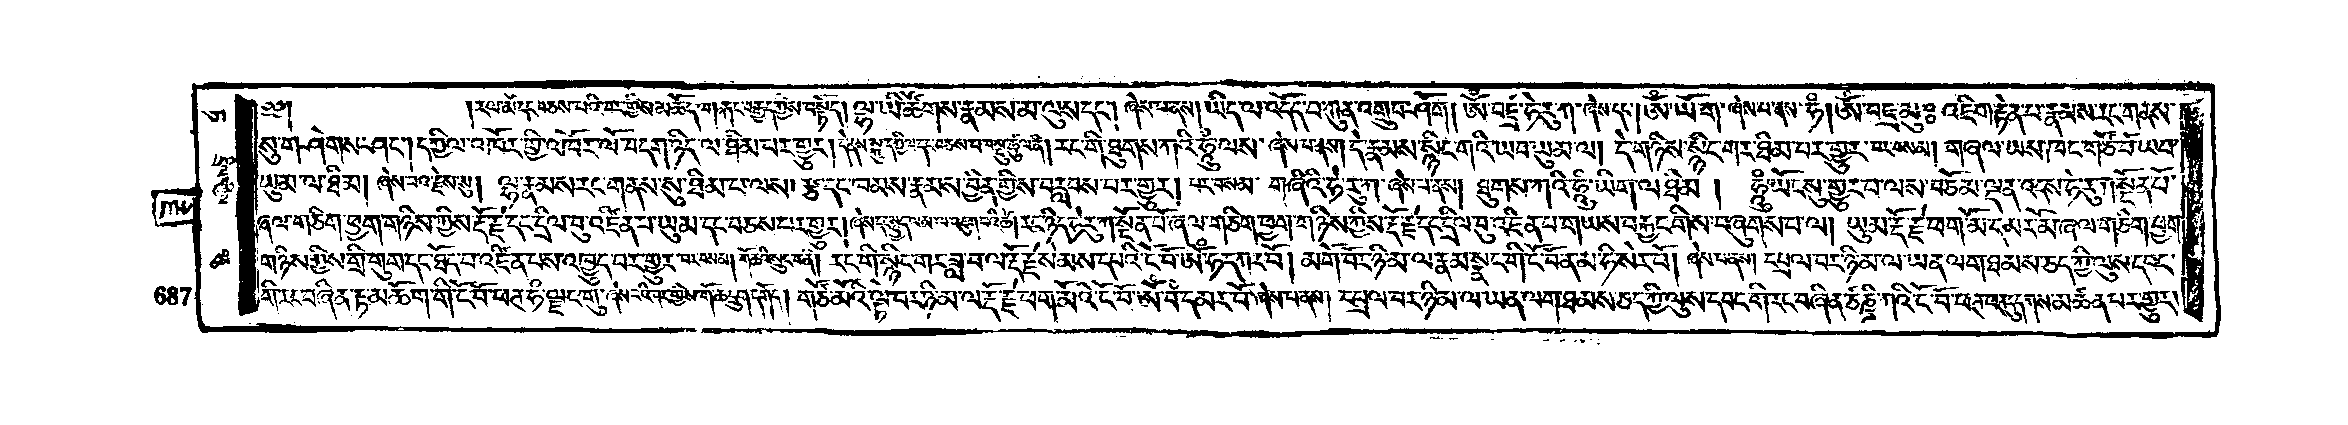༄༅། །རལ་མི་དང་བཅས་པའི་བར་གྱིས་མཆོད་ལ། རྐང་བརྒྱད་ཀྱིས་བསྟོད། ལྷ་ཡི་ཚོགས་རྣམས་མ་ལུས་དང་། ཞེས་པ་ནས།  ཡིད་ལ་འདོད་པ་ཀུན་འགྲུབ་ཤོག །ཨོཾ་བཛྲ་ཧེ་རུ་ཀ་ཞེས་དང་།  ཨོཾ་ཡོ་ག་ཞེས་པ་ནས་ཧཾ། ཨོཾ་བཛྲ་མུཿ འཇིག་རྟེན་པ་རྣམས་རང་གནས་
སུ་གཤེགས་ཤང་། དཀྱིལ་འཁོར་གྱི་འཁོར་ལོ་བདག་ཉིད་ལ་ཐིམ་པར་གྱུར། དེ་ནས་སྐུ་དཀྱིལ་དང་བཅས་པ་བསྡུ་ཚུལ་ནི།  རང་གི་ཐུགས་ཀའི་ཧཱུཾ་ལས་ཞེས་པ་ནས།  དེ་རྣམས་སྙིང་གའི་ཡབ་ཡུམ་ལ། དེ་གཉིས་སྙིང་གར་ཐིམ་པར་གྱུར་པར་བསམ།  གཞལ་ཡས་ཁང་གཙོ་བོ་ཡབ་
ཡུམ་ལ་ཐིམ། ཞེས་པའི་རྗེས་སུ།  ལྷ་རྣམས་རང་གནས་སུ་ཐིམ་པ་ལས། རྩ་དང་ཁམས་རྣམས་བྱིན་གྱིས་བརླབས་པར་གྱུར། པར་བསམ་གཞིའི་ཧེ་རུ་ཀ་ཞེས་པ་ནས།  ཐུགས་ཀའི་ཧཱུཾ་ཡིག་ལ་ཐིམ། ཧཱུཾ་ཡོངས་སུ་གྱུར་པ་ལས་བཅོམ་ལྡན་འདས་ཧེ་རུ་ཀ་སྔོན་པོ་
ཞལ་གཅིག་ཕྱག་གཉིས་ཀྱིས་རྡོ་རྗེ་དང་དྲིལ་བུ་འཛིན་པ་ཡུམ་དང་བཅས་པར་གྱུར། ཞེས་དང་སྤྱད་ལམ་ལ་འཇུག་པའི་ཚེ།  རང་ཉིད་ཧེ་རུ་ཀ་སྔོན་པོ་ཞལ་གཅིག་ཕྱག་གཉིས་ཀྱིས་རྡོ་རྗེ་དང་དྲིལ་བུ་འཛིན་པ་གཡས་བརྐྱང་གིས་བཞུགས་པ་ལ། ཡུམ་རྡོ་རྗེ་ཕག་མོ་དམར་མོ་ཞལ་གཅིག་ཕྱག་
གཉིས་ཀྱིས་གྲི་གུག་དང་ཐོད་པ་འཛིན་པས་འཁྱུད་པར་གྱུར་པར་བསམ། གོ་ཆའི་སྲུང་བ་ནི།  རང་གི་སྙིང་གར་ཟླ་བ་ལ་རྡོ་རྗེ་སེམས་དཔའི་ངོ་བོ་ཨོཾ་ཧ་དཀར་པོ། མགོ་བོར་ཉི་མ་ལ་རྣམ་སྣང་གི་ངོ་བོ་ན་མ་ཧི་སེར་པོ། ཞེས་པ་ནས།  དཔྲལ་བར་ཉི་མ་ལ་ཡན་ལག་ཐམས་ཅད་ཀྱི་ལུས་དབང་
གི་རང་བཞིན་རྟ་མཆོག་གི་ངོ་བོ་ཕཊ་ཧཾ་ལྗང་གུ་ཞེས་པའི་བར་གྱིས་གོ་ཆ་དྲུག་དགོད།  གཙོ་མོའི་ལྟེ་བར་ཉི་མ་ལ་རྡོ་རྗེ་ཕག་མོའི་ངོ་བོ་ཨོཾ་བཾ་དམར་པོ་ཞེས་པ་ནས།  དཔྲལ་བར་ཉི་མ་ལ་ཡན་ལག་ཐམས་ཅད་ཀྱི་ལུས་དབང་གི་རང་བཞིན་ཙཎྜི་ཀའི་ངོ་བོ་ཕཊ་ཕཊ་དུད་ཀས་མཚན་པར་གྱུར།